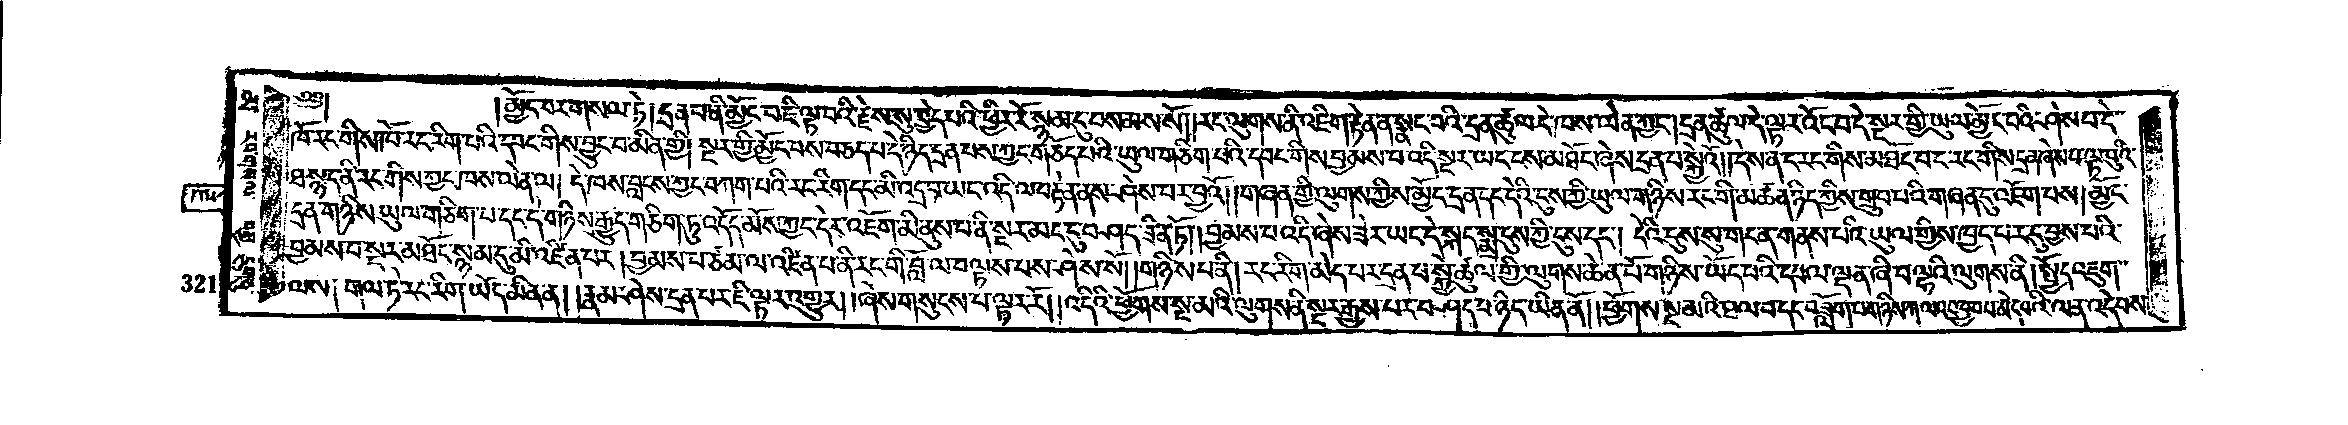༄༅། །མྱོང་བར་གསལ་ཏེ། དྲན་པ་ནི་མྱོང་བ་ཇི་ལྟ་བའི་རྗེས་སུ་བྱེད་པའི་ཕྱིར་རོ་སྙམ་དུ་བསམས་སོ། །རང་ལུགས་ནི་འཇིག་རྟེན་ན་སྣང་བའི་དྲན་ཚུལ་དེ་ཁས་ལེན་ཀྱང་། དྲན་ཚུལ་དེ་ལྟར་འོང་བ་དེ་སྔར་གྱི་ཡུལ་མྱོང་བའི་ཤེས་པ་དེ་
ཁོ་རང་གིས་ཁོ་རང་རིག་པའི་དབང་གིས་བྱུང་བ་མིན་གྱི། སྔར་གྱི་མྱོང་བས་བཅད་པ་དེ་ཉིད་དྲན་པས་ཀྱང་གཅོད་པའི་ཡུལ་གཅིག་པའི་དབང་གིས་བྱམས་བ་འདི་སྔར་ཡང་ངས་མཐོང་ཞེས་དྲན་པ་སྐྱེའོ། །དེས་ན་ང་རང་གིས་མཐོང་བ་ང་རང་གིས་དྲན་ཞེས་པ་ལྟ་བུའི་
ཐ་སྙད་ནི་རང་གིས་ཀྱང་ཁས་ལེན་ལ། དེ་ཁས་བླངས་ཀྱང་བཀག་པའི་རང་རིག་དང་མི་འདྲ་བ་ཡང་འདི་ལ་བརྟེན་ནས་ཤེས་པར་བྱའོ། །གཞན་གྱི་ལུགས་ཀྱིས་མྱོང་དྲན་དང་དེའི་དུས་ཀྱི་ཡུལ་གཉིས་རང་གི་མཚན་ཉིད་ཀྱིས་གྲུབ་པའི་གཞན་དུ་འཇོག་པས། མྱོང་
དྲན་གཉིས་ཡུལ་གཅིག་པ་དང་དེ་གཉིས་རྒྱུད་གཅིག་ཏུ་འདོད་མོས་ཀྱང་དེར་འཇོག་མི་ནུས་པ་ནི་སྔར་མང་དུ་བཤད་ཟིན་ཏོ། །བྱམས་པ་འདི་ཞེས་ཟེར་ཡང་དེ་སྐད་སྨྲ་དུས་ཀྱི་དུས་དང་། དེའི་དུས་སུ་གང་ན་གནས་པའི་ཡུལ་གྱིས་ཁྱད་པར་དུ་བྱས་པའི་
བྱམས་པ་སྔར་མཐོང་སྙམ་དུ་མི་འཛིན་པར། བྱམས་པ་ཙམ་ལ་འཛིན་པ་ནི་རང་གི་བློ་ལ་བལྟས་པས་ཤེས་སོ། །གཉིས་པ་ནི། རང་རིག་མེད་པར་དྲན་པ་སྐྱེ་ཚུལ་གྱི་ལུགས་ཆེན་པོ་གཉིས་ཡོད་པའི་དཔལ་ལྡན་ཞི་བ་ལྷའི་ལུགས་ནི། སྤྱོད་འཇུག་
ལས། གལ་ཏེ་རང་རིག་ཡོད་མིན་ན། །རྣམ་ཤེས་དྲན་པར་ཇི་ལྟར་འགྱུར། །ཞེས་གསུངས་པ་ལྟར་རོ། །འདིའི་ཕྱོགས་སྔ་མའི་ལུགས་ནི་སྔར་རྒྱས་པར་བཤད་པ་ཉིད་ཡིན་ནོ། །ཕྱོགས་སྔ་མའི་ཐལ་བ་དང་བཟློག་པ་གཉིས་ཀ་ལའང་ཁྱབ་པ་མེད་པའི་ལན་འདེབས་